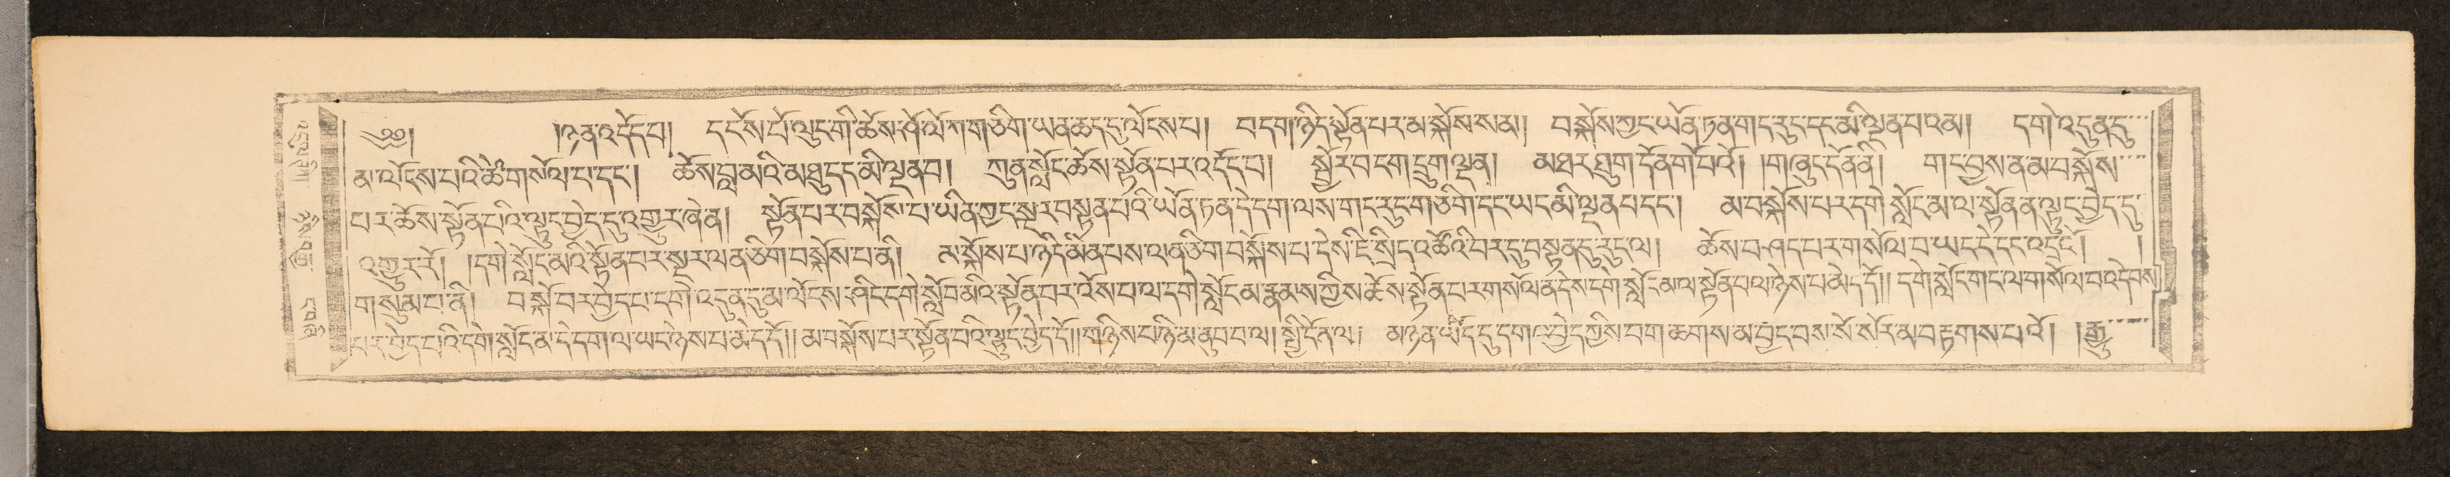༄༅། །ཉན་འདོད་པ། དངོས་པོ་ལུང་གི་ཆོས་ཤོ་ལོ་ཀ་གཅིག་ཡན་ཆད་དུ་ལོངས་པ། བདག་ཉིད་སྟོན་པར་མ་སྐོས་སམ། བསྐོས་ཀྱང་ཡོན་ཏན་གང་རུང་དང་མི་ལྡན་པ་འམ། དགེ་འདུན་དུ་
མ་ལོངས་པའི་ཚེ་གསོལ་བ་དང་། ཆོས་བླ་མའི་མཐུ་དང་མི་ལྡན་པ། ཀུན་སློང་ཆོས་སྟོན་པར་འདོད་པ། སྦྱོར་བ་ངག་དྲུག་ལྡན། མཐར་ཐུག་དོན་གོ་བའོ། །གཞུང་དོན་ནི། གང་བྱས་ན་མ་བསྐོས་
པར་ཆོས་སྟོན་པའི་ལྟུང་བྱེད་དུ་འགྱུར་ཞེ་ན། སྟོན་པར་བསྐོས་པ་ཡིན་ཀྱང་སྔར་བསྟན་པའི་ཡོན་ཏན་དེ་དག་ལས་གང་རུང་གཅིག་དང་ཡང་མི་ལྡན་པ་དང་། མ་བསྐོས་པར་དགེ་སློང་མ་ལ་སྟོན་ན་ལྟུང་བྱེད་དུ་
འགྱུར་རོ། །དགེ་སློང་མའི་སྟོན་པར་སྔར་ལན་ཅིག་བསྐོས་པ་ནི། མ་སྐོས་པ་ཉིད་མིན་པས་ལན་ཅིག་བསྐོས་པ་དེས་ཇི་སྲིད་འཚོའི་བར་དུ་བསྟན་དུ་རུང་ལ། ཆོས་བཤད་པར་གསོལ་བ་ཡང་དེ་དང་འདྲའོ། །
གསུམ་པ་ནི། བསྐོ་བར་བྱེད་པ་དགེ་འདུན་དུ་མ་ལོངས་ཤིང་དགེ་སློབ་མའི་སྟོན་པར་འོས་པ་ལ་དགེ་སློང་མ་རྣམས་ཀྱིས་ཆོས་སྟོན་པར་གསོལ་ན་དེས་དགེ་སློང་མ་ལ་སྟོན་པ་ལ་ཉེས་པ་མེད་དོ།། དགེ་སློང་གང་ལ་གསོལ་བ་འདེབས་
པར་བྱེད་པའི་དགེ་སློང་མ་དེ་དག་ལ་ཡང་ཉེས་པ་མེད་དོ།། མ་བསྐོས་པར་སྟོན་པའི་ལྟུང་བྱེད་དོ།། གཉིས་པ་ཉི་མ་ནུབ་པ་ལ། སྤྱི་དོན་ལ། མཉན་ཡོད་དུ་དགའ་བྱེད་ཀྱིས་བག་ཆགས་མ་བྱང་བས་སོ་སོར་མ་བརྟགས་པའོ། །རྒྱུ་